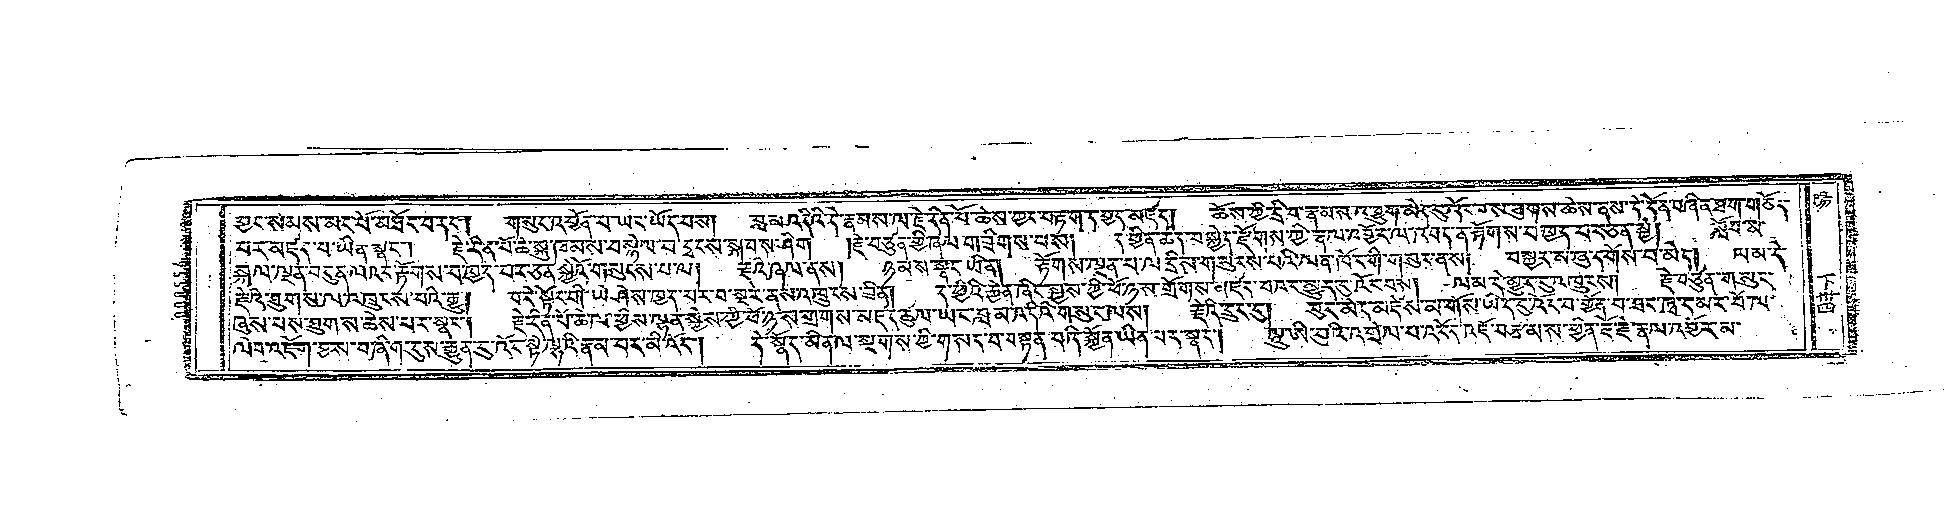བྱང་སེམས་མང་པོ་མཐོང་བ་རང་། གསུང་འབྱོན་པ་ཡང་ཡོད་པས། བླ་མ་འདིའི་དེ་རྣམས་ལ་རྗེ་རིན་པོ་ཆེས་ཀྱང་བརྟག་དཔྱད་མཛད། ཆོས་ཀྱི་དྲི་བ་རྣམས་འབྱུག་མེད་དུ་འོང་བས་ཐུགས་ཆེས་ནས་དེ་དོན་བཞིན་ཐག་གཅོད་
པར་མཛད་པ་ཡིན་སྣང་། རྗེ་རིན་པོ་ཆེ་སྐུ་ཁམས་བསྙེལ་བ་དྭངས་སྐབས་ཤིག །རྗེ་བཙུན་གྱི་ཞལ་གཟིགས་པས། ད་ཕྱིན་ཆེད་བསྐྱེད་རྫོགས་ཀྱི་རྣལ་འབྱོར་ལ་འབད་ན་རྟོགས་པ་ཁྱད་པར་ཅན་སྐྱེ། སློབ་མ་
སྐལ་ལྡན་བདུན་ལའང་རྟོགས་པ་ཁྱད་པར་ཅན་སྐྱེའོ་གསུངས་པ་ལ། རྗེའི་ཞལ་ནས། ཉམས་སྣང་ཡིན། རྟོགས་ལྡན་པ་ལ་དྲིས་གསུངས་པའི་ལན་ཁོང་གི་གསུང་ནས། བསྐྱར་མ་ཞུ་དགོས་བ་མེད། ལམ་དེ་
རྗེའི་ཐུགས་ལ་འཁྲུངས་པའི་རྒྱུ། བདེ་སྟོང་གི་ཡེ་ཤེས་ཁྱད་པར་བ་སྔར་ནས་འཁྲུངས་ཟིན། ད་ཕྱིའི་རྐྱེན་ཞིང་སྐྱས་ཀྱི་ཕོ་ཉས་གྲོགས་མཛད་པའང་མྱུར་དུ་འོང་བས། ལམ་དེ་མྱུར་དུ་འཁྲུངས། རྗེ་བཙུན་གསུང་
ཞུས་པས་ཐུགས་ཆེས་པར་སྣང་། རྗེ་རིན་པོ་ཆེ་ལ་ཕྱིས་ལྷན་སྐྱེས་ཀྱི་ཕོ་ཉས་གྲགས་མཛད་ཚུལ་ཡང་བླ་མ་འདིའི་གསུང་ལས། རྗེའི་དྲུང་དུ། བུད་མེད་མཛེས་མ་གོས་ཡིད་དུ་འོང་བ་གྱོན་པ་ཐང་ཞྭ་དམར་པོ་ལ་
ལེབ་འཇོག་བྱས་བ་ཞིག་དུས་རྒྱུན་དུ་འོང་སྟེ་ལྷའི་རྣམ་པར་མི་འོང་། དེ་སྣོད་མིན་ལ་སྔགས་ཀྱི་གསང་བ་བསྟན་པའི་སྐྱོན་ཡིན་པར་སྣང་། ལཱུ་ཨི་བུའི་འགྲོལ་པ་འདོད་འཇོ་བརྩམས་ཕྱིན་རྡོ་རྗེ་རྣལ་འབྱོར་མ་